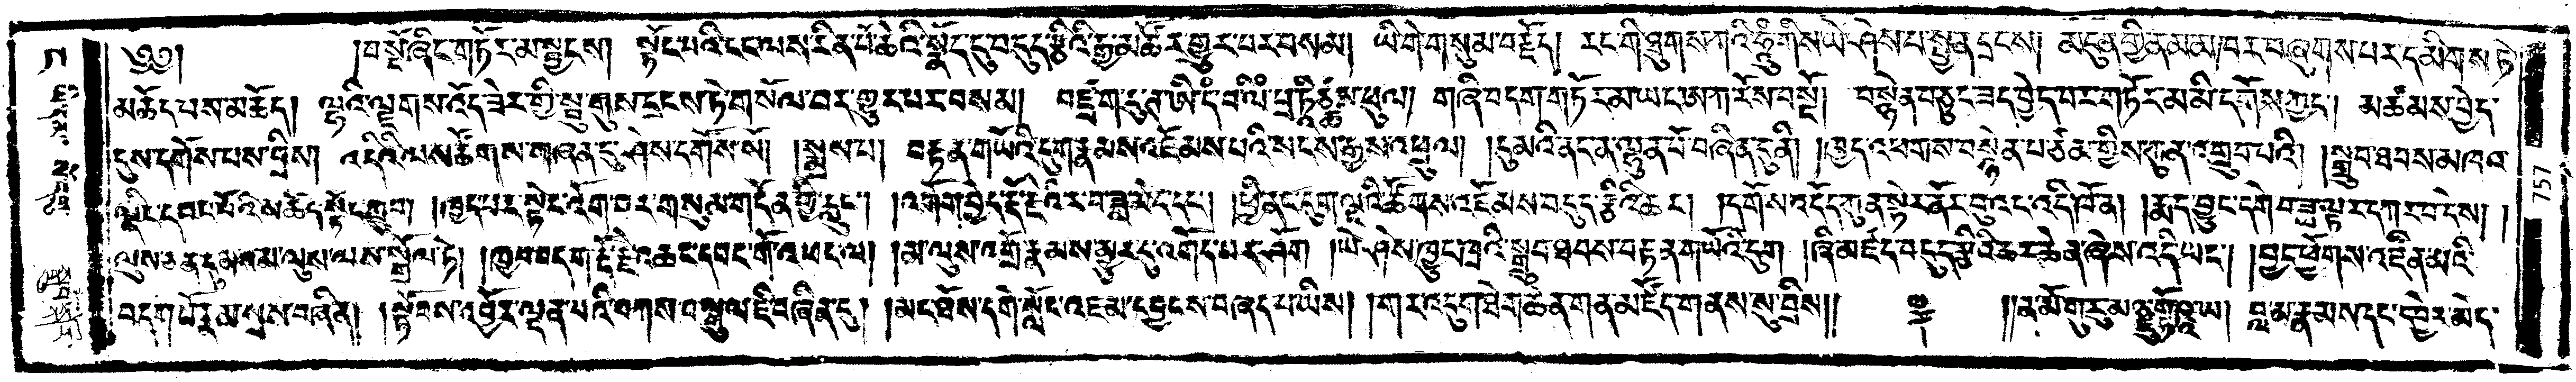༄༅། །པ་སྔོ་ཞིང་གཏོར་མ་སྦྱངས། སྟོང་པའི་དང་ལས་རིན་པོ་ཆེའི་སྣོད་དུ་བདུད་རྩིའི་རྒྱ་མཚོར་གྱུར་བར་བསམ། ཡི་གེ་གསུམ་བརྗོད། རང་གི་ཐུགས་ཀའི་ཧཱུཾ་གིས་ཡེ་ཤེས་པ་སྤྱན་དྲངས། མདུན་གྱི་ནམ་མཁར་བཞུགས་པར་དམིགས་ཏེ་
མཆོད་པས་མཆོད། ལྷའི་ལྗགས་འོད་ཟེར་གྱི་སྦུ་གུས་དྲངས་ཏེ་གསོལ་བར་གྱུར་པར་བསམ། བཛྲ་ག་རུ་ཊ་ཨི་དཾ་བ་ལཾ་བྲ་ཏཱི་ཙྪས་ཕུལ། གཞི་བདག་གཏོར་མ་ཡང་ཨ་ཀ་རོས་བསྔོ། བསྟན་པ་ཅུང་ཟད་བྱེད་པར་གཏོར་མ་མི་དགོས་ཀྱང་། མཚམས་བྱེད་
དུས་དགོས་པས་བྲིས། འདིའི་ལས་ཚོགས་གཞན་དུ་ཤེས་དགོས་སོ། །སྨྲས་པ། བརྟན་གཡོའི་དུག་རྣམས་འཛོམས་པའི་སངས་རྒྱས་འཕྲུལ། །དུ་མའི་ནང་ན་ལྷུན་པོ་བཞིན་དུ་ནི། །ཁྱད་འཕགས་བསྙེན་པ་ཙམ་གྱིས་ཀུན་འགྲུབ་པའི། །སྒྲུབ་ཐབས་མཁའ་
ལྡིང་དབང་པོའི་མཆོད་སྡོང་གྲུབ། །ཁྱད་པར་སྟེང་འོག་བར་གསུམ་གདོན་གྱི་རླུང་། །འགོག་བྱེད་རྡོ་རྗེའི་རྭ་བ་ཟླ་མེད་དང་། །ཕྱི་ནང་དུ། ལྔའི་ཚོགས་འཇོམས་བདུད་རྩིའི་ཆར། །དོགས་འདོད་ཀུན་སྟེར་ནོར་བུའང་འདི་ཁོ་ན། །རྨད་བྱུང་དགེ་བ་ཟླ་ལྟར་དཀར་པ་དེས། །
ལུས་ཅན་དུཿ ཁ་མ་ལུས་ལས་སྒྲོལ་ཏེ། །ཁྱབ་བདག་རྡོ་རྗེ་འཆང་དབང་གོ་འཕང་ལ། །མ་ལུས་འགྲོ་རྣམས་མྱུར་དུ་འགོད་པར་ཤོག །ཡེ་ཤེས་ཁྱུང་ཁྲའི་སྒྲུབ་ཐབས་བརྟན་གཡོའི་དུག །ཞི་མཛད་བདུད་རྩིའི་ཆར་ཆེན་ཞེས་འདི་ཡང་། །བྱང་ཕྱོགས་འཛིན་མའི་
བདག་པོ་རྣམ་སྲས་བཞིན། །སྟོབས་འབྱོར་ལྡན་པའི་བཀས་བསྐུལ་ཇི་བཞིན་དུ། །མང་ཐོས་དགེ་སློང་འཇམ་དབྱངས་བཞད་པ་ཡིས། །གར་འདུག་ཐེག་ཆེན་གན་མཛོད་གནས་སུ་བྲིས།། ༈ །།ན་མོ་གུ་རུ་མཉྫུ་གྷO་ཥཱ་ཡ། བླ་མ་རྣམས་དང་དབྱེར་མེད་